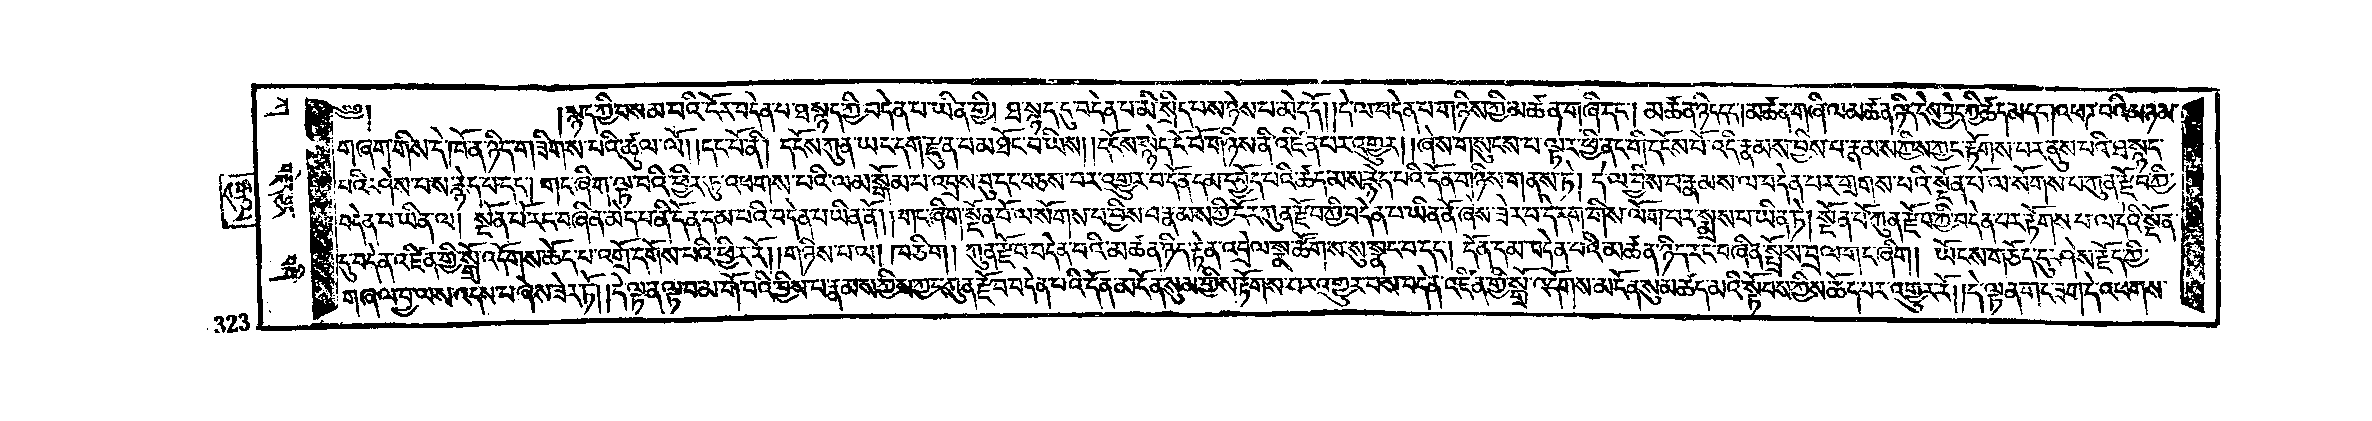༄༅། །སྙད་ཀྱི་བསམ་པའི་ངོར་བདེན་པ་ཐ་སྙད་ཀྱི་བདེན་པ་ཡིན་གྱི། ཐ་སྙད་དུ་བདེན་པ་མི་སྲིད་པས་ཉེས་པ་མེད་དོ། །དེ་ལ་བདེན་པ་གཉིས་ཀྱི་མཚན་གཞི་དང་། མཚན་ཉིད་དང་། མཚན་གཞི་ལ་མཚན་ཉིད་ངེས་བྱེད་ཀྱི་ཚད་མ་དང་། འཕགས་པའི་མཉམ་
གཞག་གིས་དེ་ཁོ་ན་ཉིད་གཟིགས་པའི་ཚུལ་ལོ། །དང་པོ་ནི། དངོས་ཀུན་ཡང་དག་རྫུན་པ་མཐོང་བ་ཡིས། །དངོས་སྙེད་ངོ་བོ་གཉིས་ནི་འཛིན་པར་འགྱུར། །ཞེས་གསུངས་པ་ལྟར་ཕྱི་ནང་གི་དངོས་པོ་འདི་རྣམས་བྱིས་པ་རྣམས་ཀྱིས་ཀྱང་རྟོགས་པར་ནུས་པའི་ཐ་སྙད་
པའི་ཤེས་པས་རྙེད་པ་དང་། གང་ཞིག་ལྟ་བའི་ཕྱིར་ཏུ་འཕགས་པའི་ལམ་སྒོམ་པ་འབྲས་བུ་དང་བཅས་པར་འགྱུར་བ་དོན་དམ་དཔྱོད་པའི་ཚད་མས་རྙེད་པའི་དོན་གཉིས་གནས་ཏེ། དེ་ལ་བྱིས་པ་རྣམས་ལ་བདེན་པར་གྲགས་པའི་སྔོན་པོ་ལ་སོགས་པ་ཀུན་རྫོབ་ཀྱི་
བདེན་པ་ཡིན་ལ། སྔོན་པོ་རང་བཞིན་མེད་པ་ནི་དོན་དམ་པའི་བདེན་པ་ཡིན་ནོ། །གང་ཞིག་སྔོན་པོ་ལ་སོགས་པ་བྱིས་པ་རྣམས་ཀྱི་ངོར་ཀུན་རྫོབ་ཀྱི་བདེན་པ་ཡིན་ནོ་ཞེས་ཟེར་བ་དེ་དག་གིས་ལོག་པར་སྨྲས་པ་ཡིན་ཏེ། སྔོན་པོ་ཀུན་རྫོབ་ཀྱི་བདེན་པར་རྟོགས་པ་ལ་དེའི་སྔོན་
དུ་བདེན་འཛིན་གྱི་སྒྲོ་འདོགས་ཆོད་པ་འགྲོ་དགོས་པའི་ཕྱིར་རོ། །གཉིས་པ་ལ། ཁ་ཅིག །ཀུན་རྫོབ་བདེན་པའི་མཚན་ཉིད་རྟེན་འབྲེལ་སྣ་ཚོགས་སུ་སྣང་བ་དང་། དོན་དམ་བདེན་པའི་མཚན་ཉིད་རང་བཞིན་སྤྲོས་བྲལ་གང་ཞིག །ཡོངས་གཅོད་དུ་ཤེས་རྗོད་ཀྱི་
གཞལ་བྱ་ལས་འདས་པ་ཞེས་ཟེར་ཏོ། །དེ་ལྟ་ན་ལྟ་བ་མ་གོ་བའི་བྱིས་པ་རྣམས་ཀྱིས་ཀྱང་ཀུན་རྫོབ་བདེན་པའི་དོན་མངོན་སུམ་གྱིས་རྟོགས་པར་འགྱུར་བས་བདེན་འཛིན་གྱི་སྒྲོ་འདོགས་མངོན་སུམ་ཚད་མའི་སྟོབས་ཀྱིས་ཆོད་པར་འགྱུར་རོ། །དེ་ལྟ་ན་གང་ཟག་དེ་འཕགས་